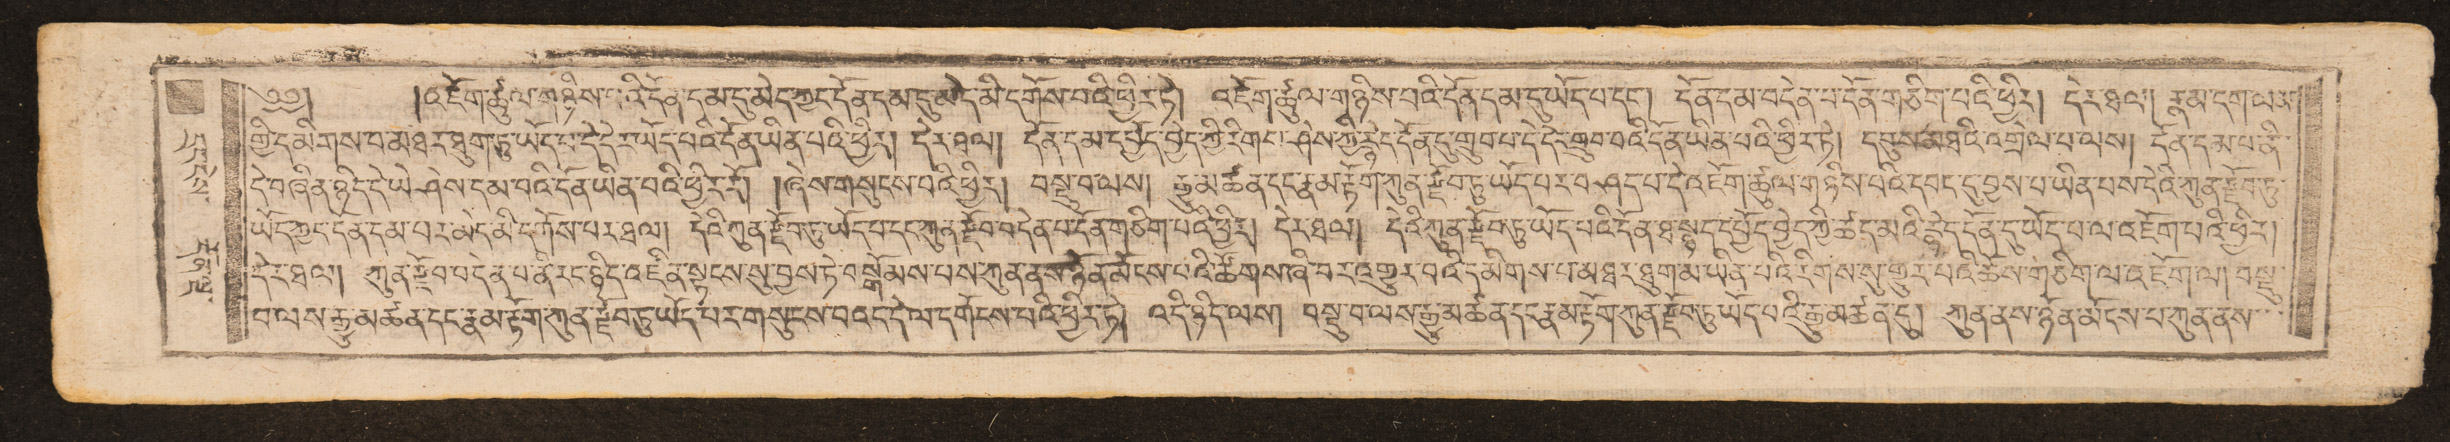༄༅། །འཇོག་ཚུལ་གཉིས་པའི་དོན་དམ་དུ་མེད་ཀྱང་དོན་དམ་དུ་མེད་མི་དགོས་པའི་ཕྱིར་ཏེ། འཇོག་ཚུལ་གཉིས་པའི་དོན་དམ་དུ་ཡོད་པ་དང་། དོན་དམ་བདེན་པ་དོན་གཅིག་པའི་ཕྱིར། དེར་ཐལ། རྣམ་དག་ལམ་
གྱི་དམིགས་པ་མཐར་ཐུག་ཏུ་ཡོད་པ་དེ་དེར་ཡོད་པའི་དོན་ཡིན་པའི་ཕྱིར། དེར་ཐལ། དོན་དམ་དཔྱོད་བྱེད་ཀྱི་རིགས་ཤེས་ཀྱི་རྙེད་དོན་དུ་གྲུབ་པ་དེ་དེར་གྲུབ་པའི་དོན་ཡིན་པའི་ཕྱིར་ཏེ། དབུས་མཐའི་འགྲེལ་པ་ལས། དོན་དམ་པ་ནི་
དེ་བཞིན་ཉིད་དེ་ཡེ་ཤེས་དམ་པའི་དོན་ཡིན་པའི་ཕྱིར་རོ། །ཞེས་གསུངས་པའི་ཕྱིར། བསྡུ་བ་ལས། རྒྱུ་མཚན་དང་རྣམ་རྟོག་ཀུན་རྫོབ་ཏུ་ཡོད་པར་བཤད་པ་དེ་འཇོག་ཚུལ་གཉིས་པའི་དབང་དུ་བྱས་པ་ཡིན་པས་དེའི་ཀུན་རྫོབ་ཏུ་
ཡོད་ཀྱང་དོན་དམ་པར་མེད་མི་དགོས་པར་ཐལ། དེའི་ཀུན་རྫོབ་ཏུ་ཡོད་པ་དང་ཀུན་རྫོབ་བདེན་པ་དོན་གཅིག་པའི་ཕྱིར། དེར་ཐལ། དེའི་ཀུན་རྫོབ་ཏུ་ཡོད་པའི་དོན་ཐ་སྙད་དཔྱོད་བྱེད་ཀྱི་ཚད་མའི་རྙེད་དོན་དུ་ཡོད་པ་ལ་འཇོག་པའི་ཕྱིར།
དེར་ཐལ། ཀུན་རྫོབ་བདེན་པ་ནི་རང་ཉིད་འཛིན་སྟངས་སུ་བྱས་ཏེ་བསྒོམས་པས་ཀུན་ནས་ཉོན་མོངས་པའི་ཚོགས་ཞི་བར་འགྱུར་བའི་དམིགས་པ་མཐར་ཐུག་མ་ཡིན་པའི་རིགས་སུ་གྱུར་པའི་ཆོས་གཅིག་ལ་འཇོག་ལ། བསྡུ་
པ་ལས་རྒྱུ་མཚན་དང་རྣམ་རྟོག་ཀུན་རྫོབ་ཏུ་ཡོད་པར་གསུངས་པའང་དེ་ལ་དགོངས་པའི་ཕྱིར་ཏེ། འདི་ཉིད་ལས། བསྡུ་བ་ལས་རྒྱུ་མཚན་དང་རྣམ་རྟོག་ཀུན་རྫོབ་ཏུ་ཡོད་པའི་རྒྱུ་མཚན་དུ། ཀུན་ནས་ཉོན་མོངས་པ་ཀུན་ནས་